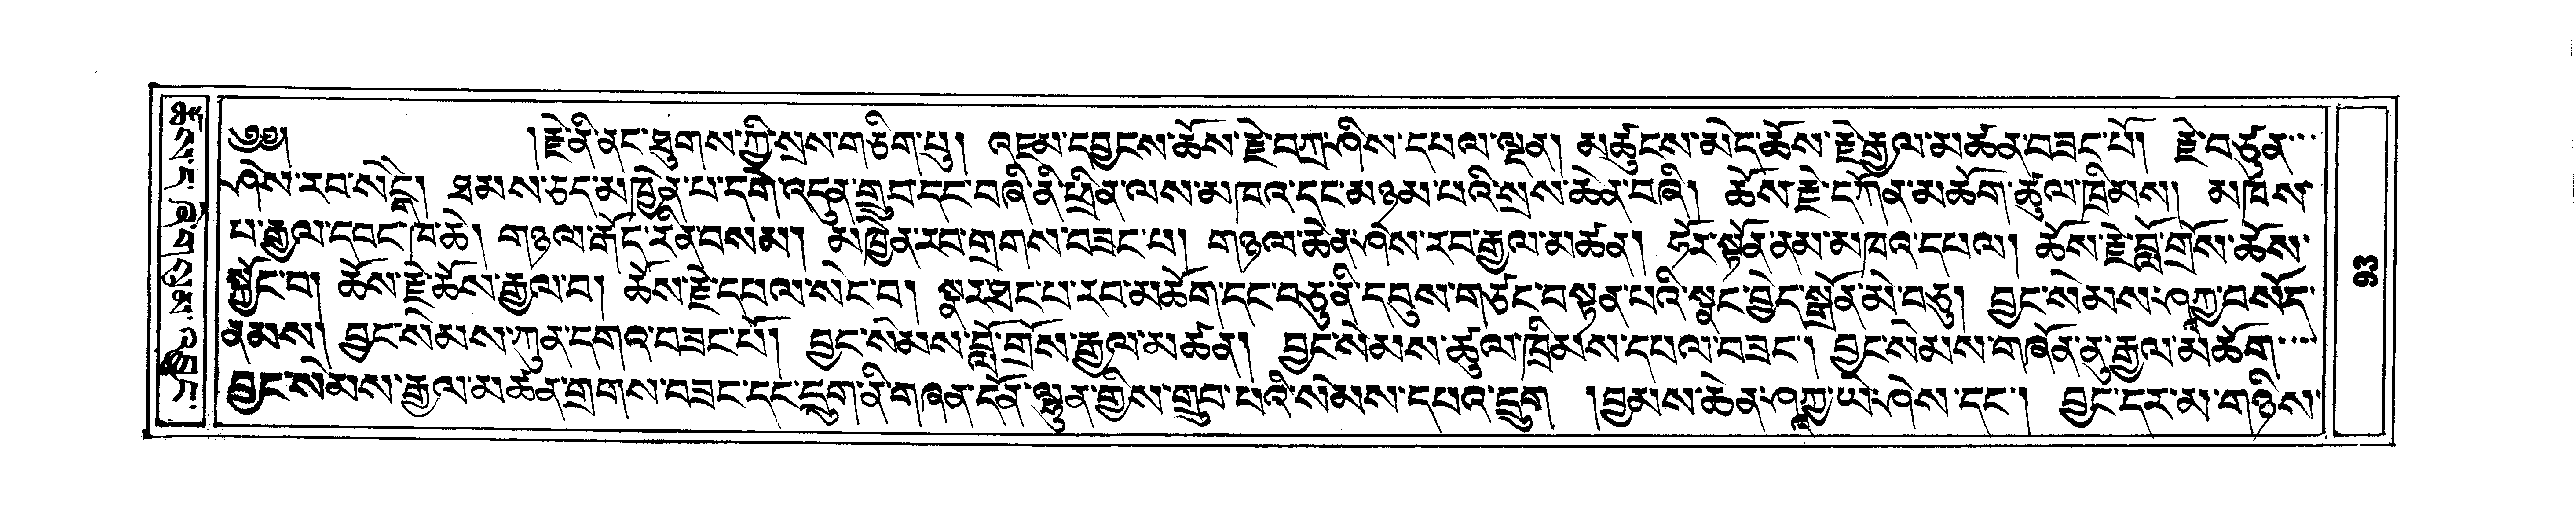༄༅། །རྗེ་ནི་ནང་ཐུགས་ཀྱི་སྲས་གཅིག་པུ། འཇམ་དབྱངས་ཆོས་རྗེ་བཀྲ་ཤིས་དཔལ་ལྡན། མཚུངས་མེད་ཆོས་རྗེ་རྒྱལ་མཚན་བཟང་པོ། རྗེ་བཙུན་
ཤེས་རབ་སེངྒེ། ཐམས་ཅད་མཁྱེན་པ་དགེ་འདུན་གྲུབ་དང་བཞི་ནི་ཕྲིན་ལས་མཁའ་དང་མཉམ་པའི་སྲས་ཆེན་བཞི། ཆོས་རྗེ་དཀོན་མཆོག་ཚུལ་ཁྲིམས། མཁས་
པ་རྒྱལ་དབང་ཁ་ཆེ། གཉལ་རྒོད་རིན་བསམ། མཁྱེན་རབ་གྲགས་བཟང་པ། གཉལ་ཆེན་ཤེས་རབ་རྒྱལ་མཚན། ཧོར་སྟོན་ནམ་མཁའ་དཔལ། ཆོས་རྗེ་བློ་གྲོས་ཆོས་
སྐྱོང་བ། ཆོས་རྗེ་ཆོས་རྒྱལ་བ། ཆོས་རྗེ་དཔལ་སེང་བ། སྣར་ཐང་པ་རབ་མཆོག་དང་བཅུ་ནི་དབུས་གཙང་བསྟན་པའི་སྣང་བྱེད་སྒྲོན་མེ་བཅུ། བྱང་སེམས་ཤཱཀྱ་བསོད་
ནམས། བྱང་སེམས་ཀུན་དགའ་བཟང་པོ། བྱང་སེམས་བློ་གྲོས་རྒྱལ་མཚན། བྱང་སེམས་ཚུལ་ཁྲིམས་དཔལ་བཟང་། བྱང་སེམས་གཞོན་ནུ་རྒྱལ་མཆོག་
བྱང་སེམས་རྒྱལ་མཚན་གྲགས་བཟང་དང་དྲུག་ནི་གཞན་དོན་ལྷུན་གྱིས་གྲུབ་པའི་སེམས་དཔའ་དྲུག །བྱམས་ཆེན་ཤཱཀྱ་ཡེ་ཤེས་དང་། བྱང་དར་མ་གཉིས་